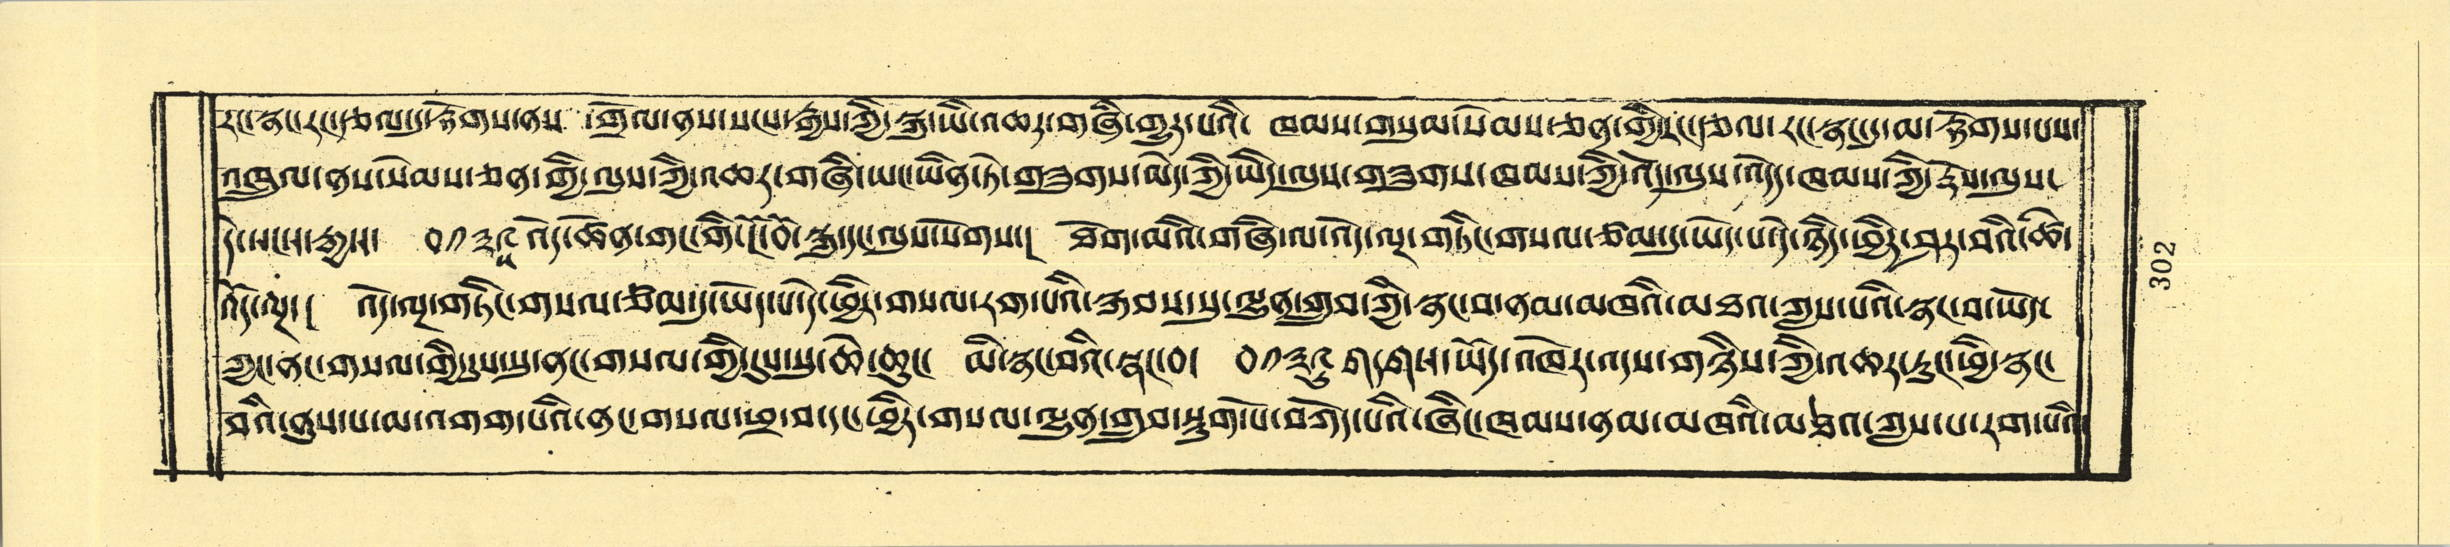རང་སྣང་རང་རྩལ་དུ་རྟོགས་ནས་གྲོལ་ནས་སངས་རྒྱས་ཀྱི་སྐུ་ཡི་འཆར་གཞི་གྱུར་པའི། ཁམས་གསུམ་སེམས་ཅན་གྱི་རང་རྩལ་རང་སྣང་དུ་མ་རྟོགས་པས་
འཁྲུལ་ནས་སེམས་ཅན་གྱི་ལུས་ཀྱི་འཆར་གཞི་ཡང་ཡིན་ཏེ་གཟུགས་མེད་ཀྱི་ཡིད་ལུས་གཟུགས་ཁམས་ཀྱི་འོད་ལུས་འདོད་ཁམས་ཀྱི་རྡོས་ལུས་
དེ་སངས་རྒྱས་ བ༡༣༩།༥ འོད་ཚོན་གང་གི་ ༼ངོ་བོ་༽སྐུ་དང་ལུས་སོགས། ཐོག་མའི་གཞི་ལ་འོད་ལྔ་གཏིང་གསལ་ཙམ་དུ་ཡོད་པ་དེ་ཉིད་ཕྱིར་ཤར་བའི་ཚེ་
འོད་ལྔ། འོད་ལྔ་གཏིང་གསལ་ཙམ་དུ་ཡོད་པ་དེ་ཕྱིར་གསལ་རག་པའི་སྐབས་སུ་ལྷུན་གྲུབ་ཀྱི་སྣང་བ་ནམ་མཁའི་མཐའ་ཀླས་པའི་སྣང་བ་ཡོད་
ཀྱང་ནང་གསལ་གྱི་དུས་སུ་(ནང་གསལ་གྱི་དུས་སུ་) ༼ཆེ་ཆུང་༽མི་སྣང་བའི་ ༼སྣང་བ་༽བ༡༣༩།༦ ༼གདགས་ཡོད་༽འཁོར་འདས་གཉིས་ཀྱི་འཆར་རུང་ཕྱི་སྣང་
བའི་ནུས་པ་མ་འགག་པའི་ནང་གསལ་ཕྲ་བ་དང་ཕྱིར་གསལ་ལྷུན་གྲུབ་སྡུག་པོ་བཀོད་པའི་ཞིང་ཁམས་ནམ་མཁའི་མཐའ་ཀླས་པ་རག་པའི་